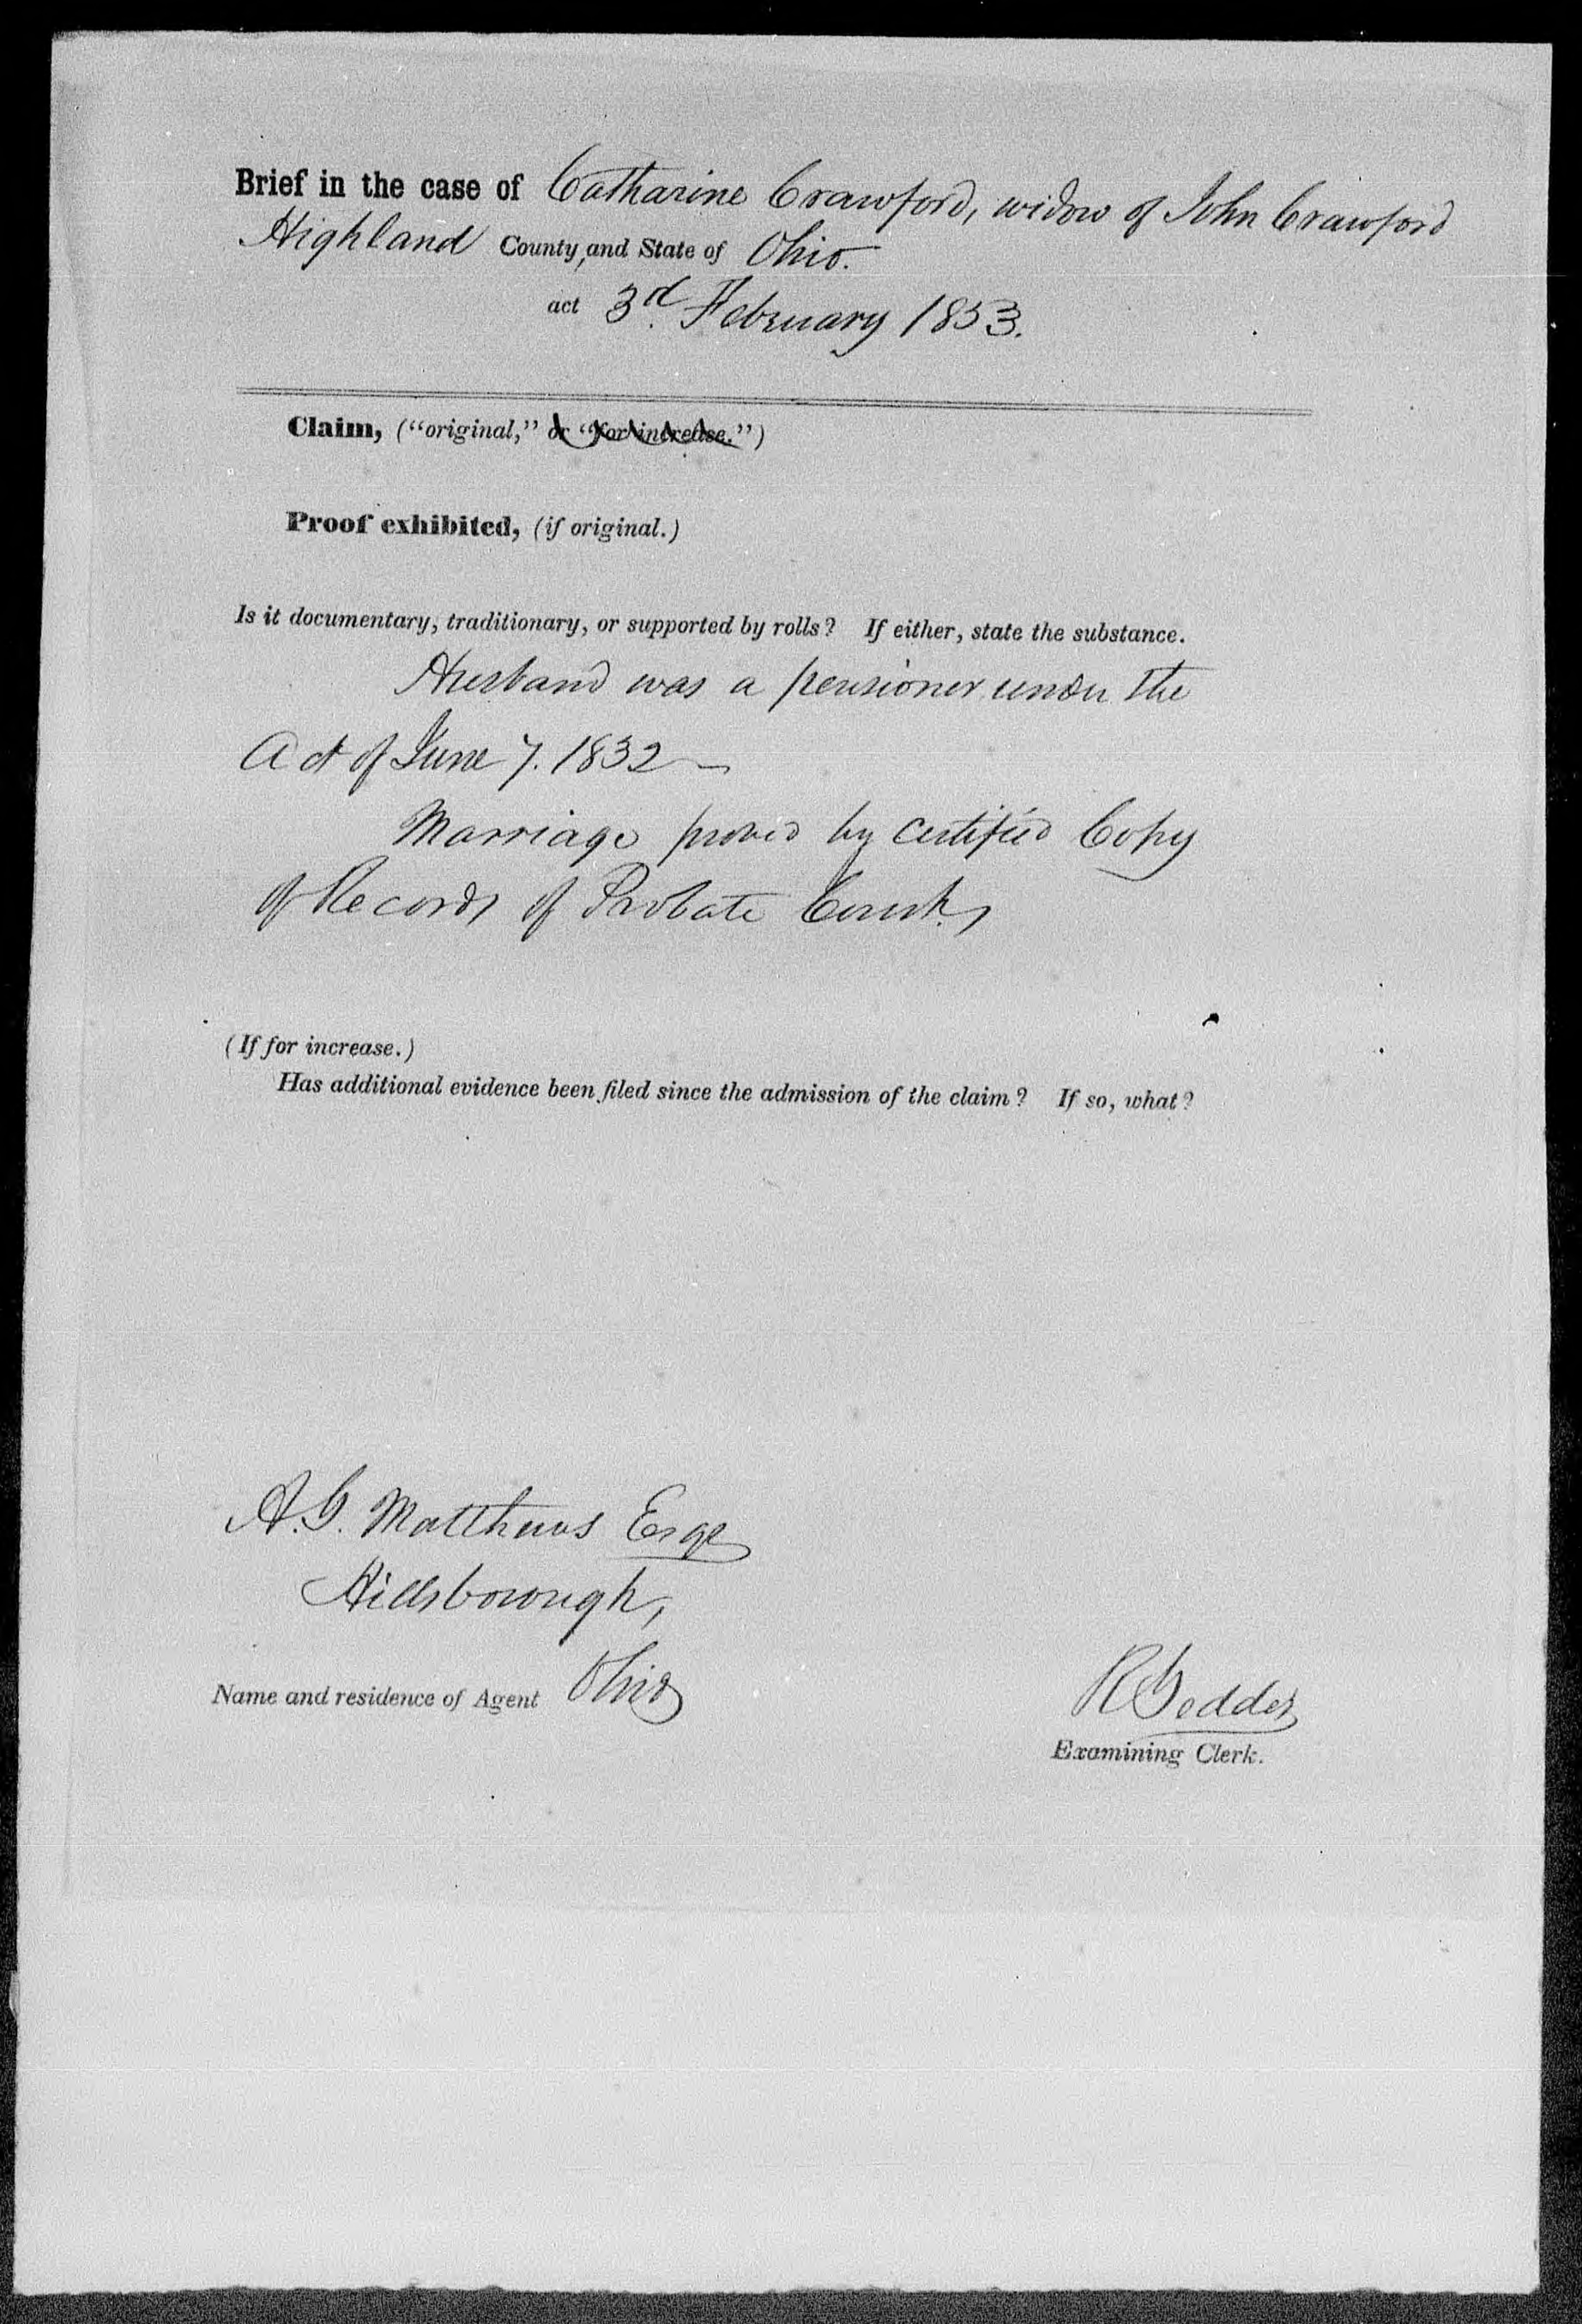Brief in the case of Catharine Crawford, widow of John Crawford
Highland County and State of Ohio
act 3d February 1853.
---
Claim, ("original," [or "for increase," -Struck Thru]

Proof exhibited, (if original

Is it documentary, traditionary, or supported by rolls? If either, state substance.
Husband was a pensioner under the Act of June 7, 1832-
Marriage proved by certified Copy of Records of Probate Courts.

(If for increase.)
Has additional evidence been filed since the admission of his claim? If so, what?

A. G. Matthews Esq
Hillsborough, Ohio
Name and residence of Agent

R Geddes
Examining Clerk.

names: John Crawford, R Geddes, A G Matthews, Catharine Crawford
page: 44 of 80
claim: widow's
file: W 2070, John Crawford, Penn.